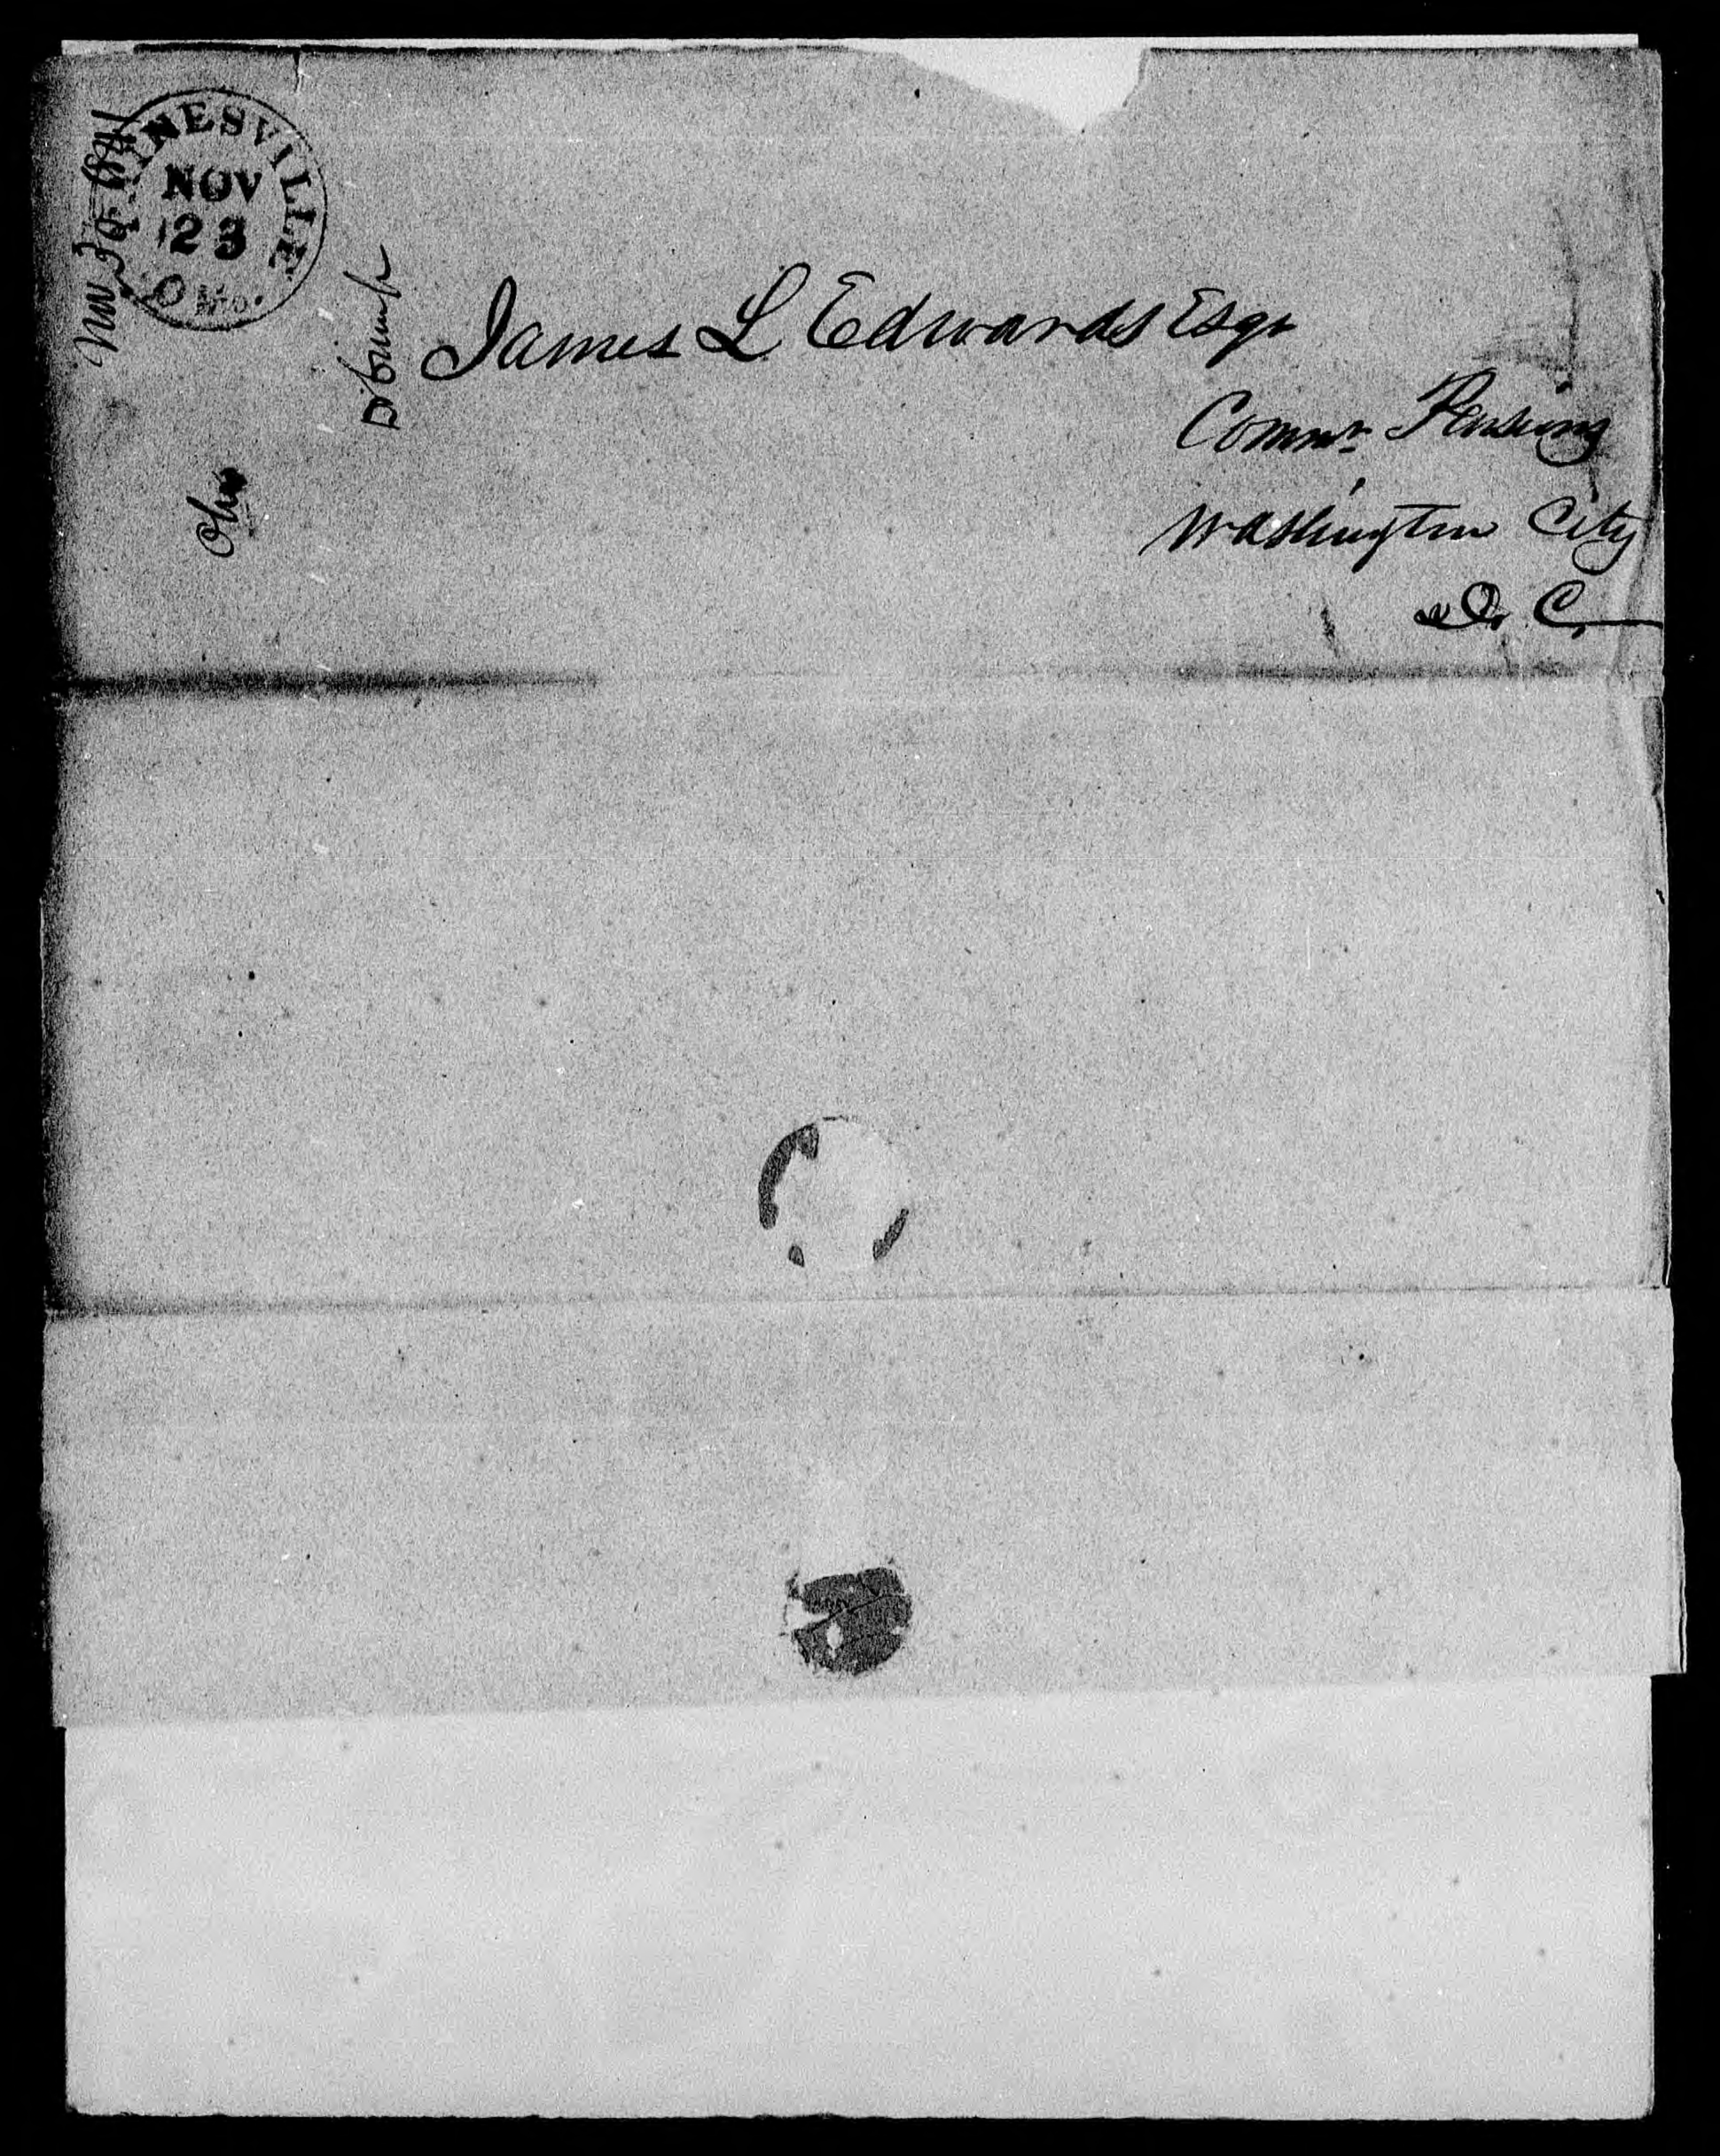PAINESVILLE
NOV. 23
Nov. 30 18[unclear]
James L Edwards Esq.
Comms. Pensions
Washington City
D.C.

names: James L Edwards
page: 29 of 44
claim: survivor's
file: S. 23639, Jonathan Fowler, New York